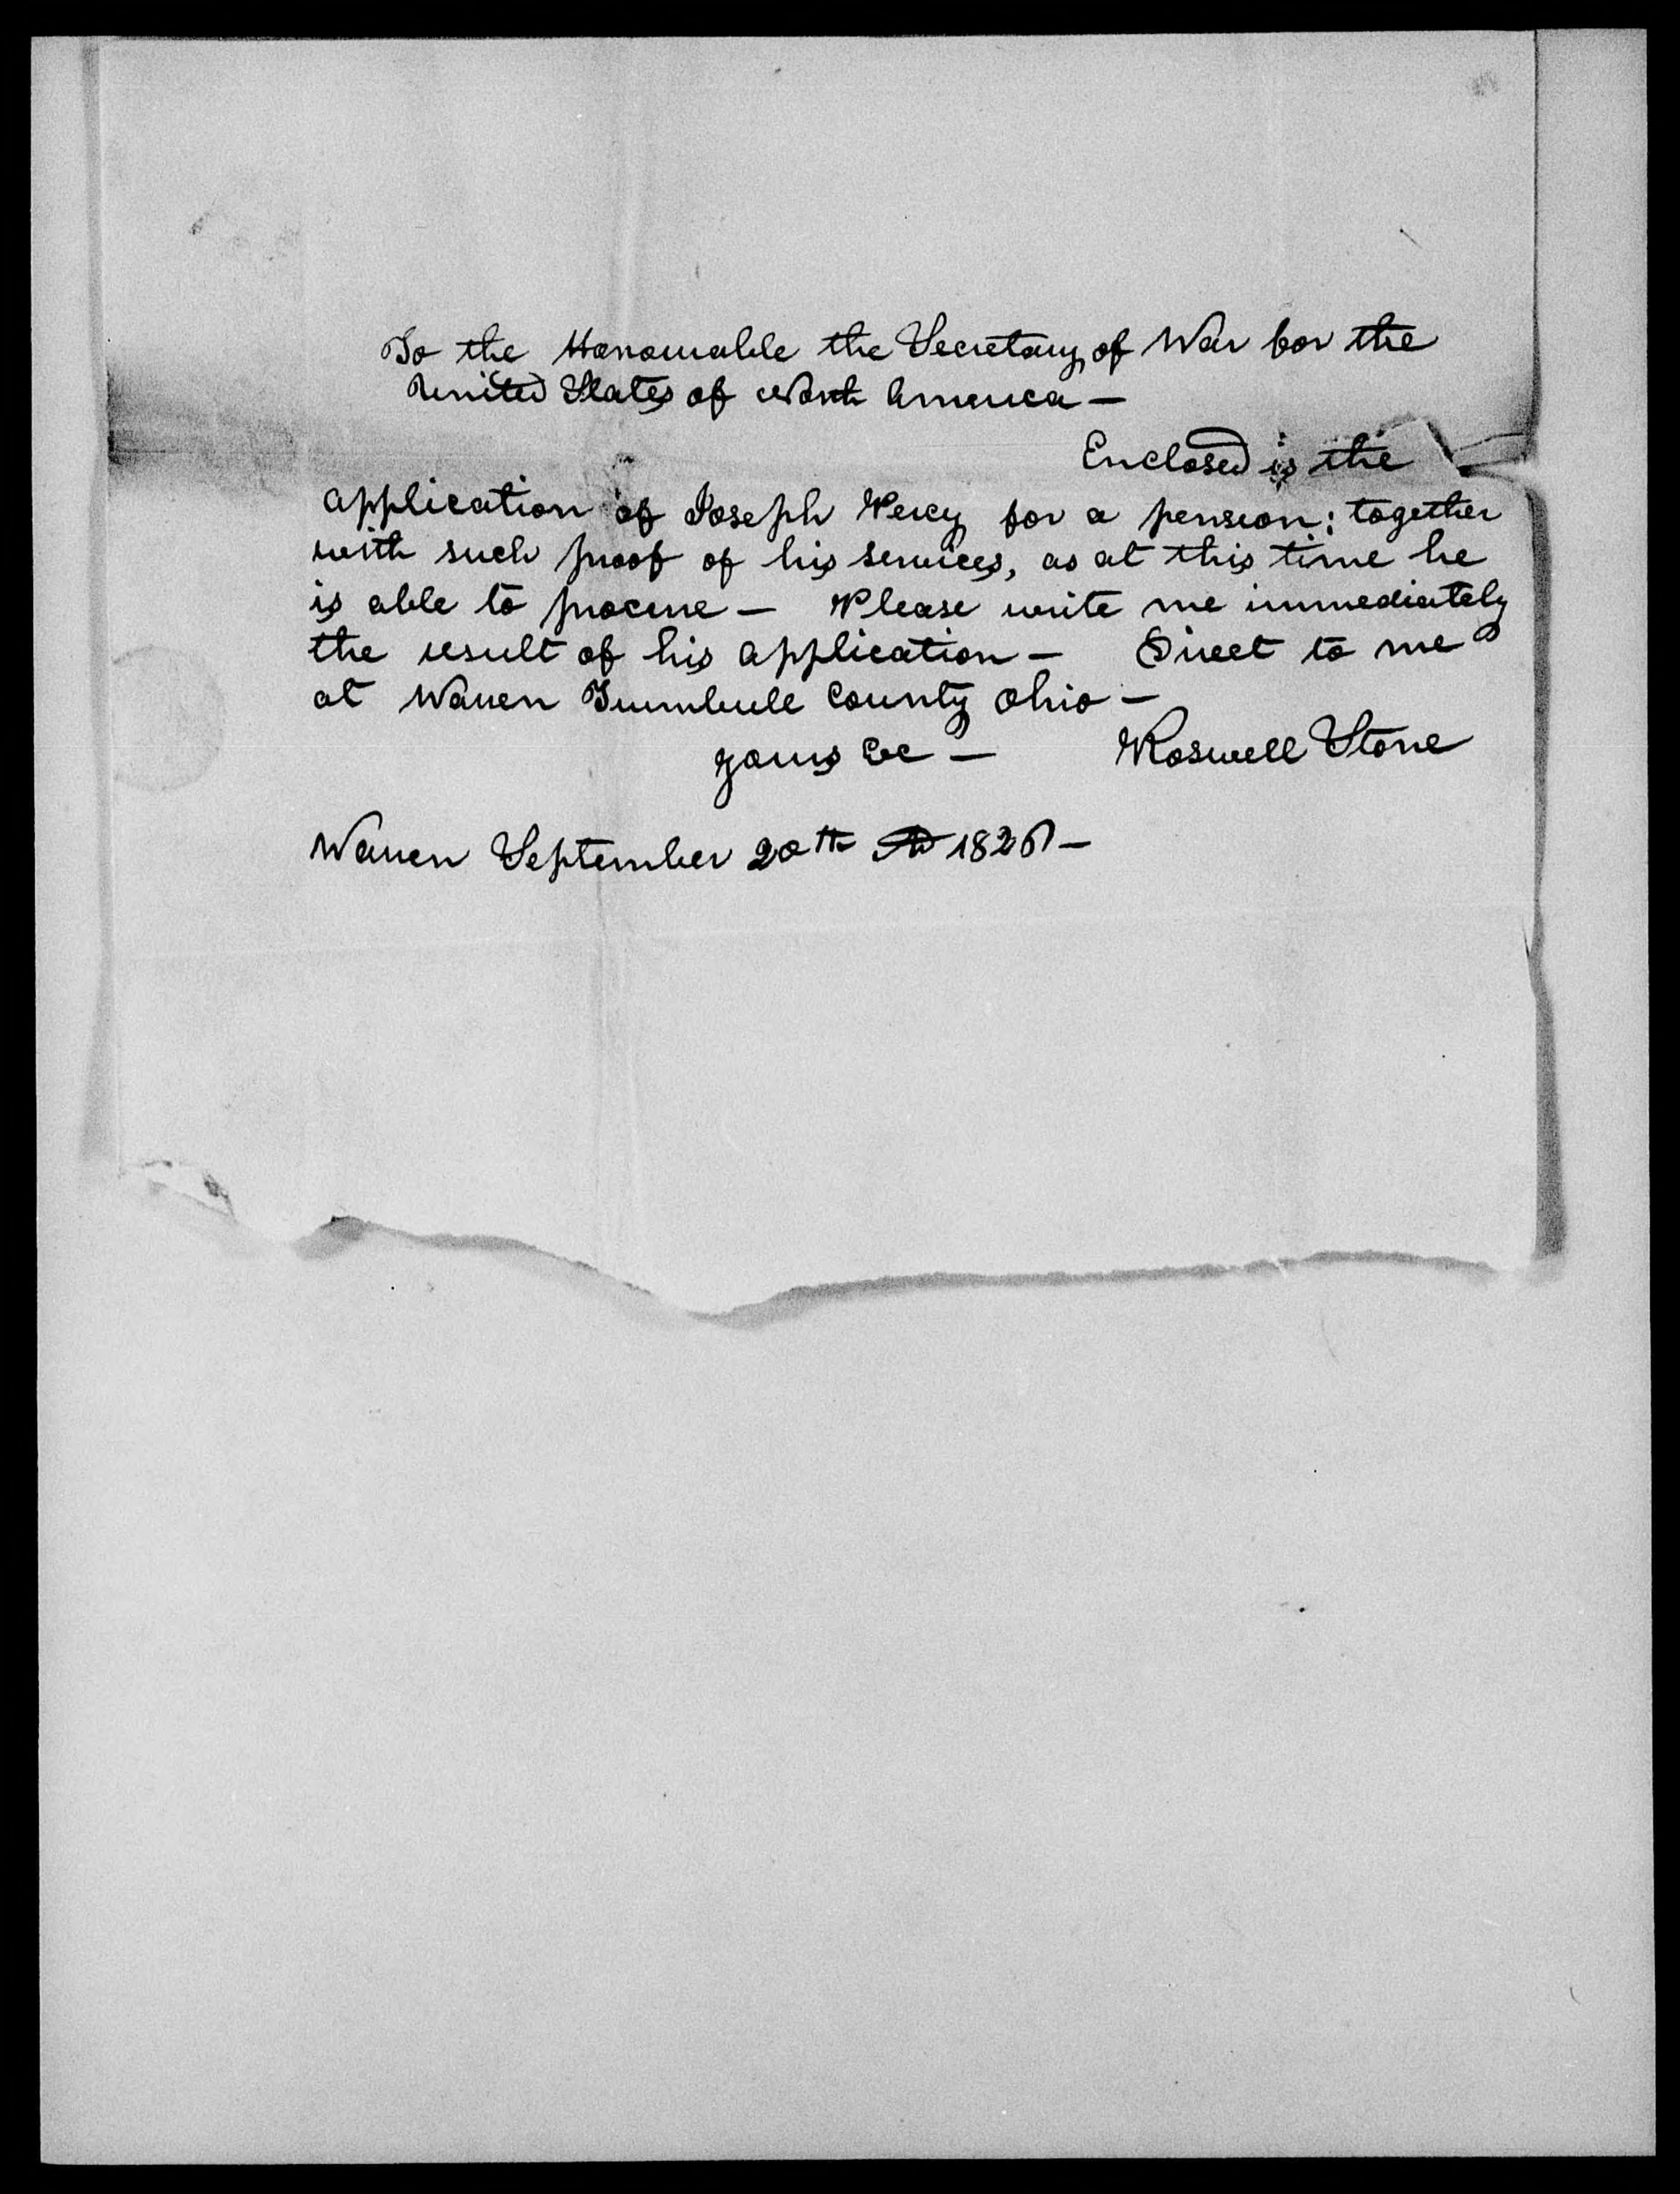To the Honourable the Secretary of War for the United States of North America -
                                                   Enclosed is the
application of Joseph Percy for a pension: together with such proof of his services, as at this time he is able to procure - Please write me immediately the result of his application _ Direct to me at Warren Trumbull County Ohio _
                     yours be _    Roswell Stone

Warren September 20th AD 1826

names: Joseph Percy; Roswell Stone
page: 9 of 20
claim: rejected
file: R. 17029, for Joseph Percy, Connecticut